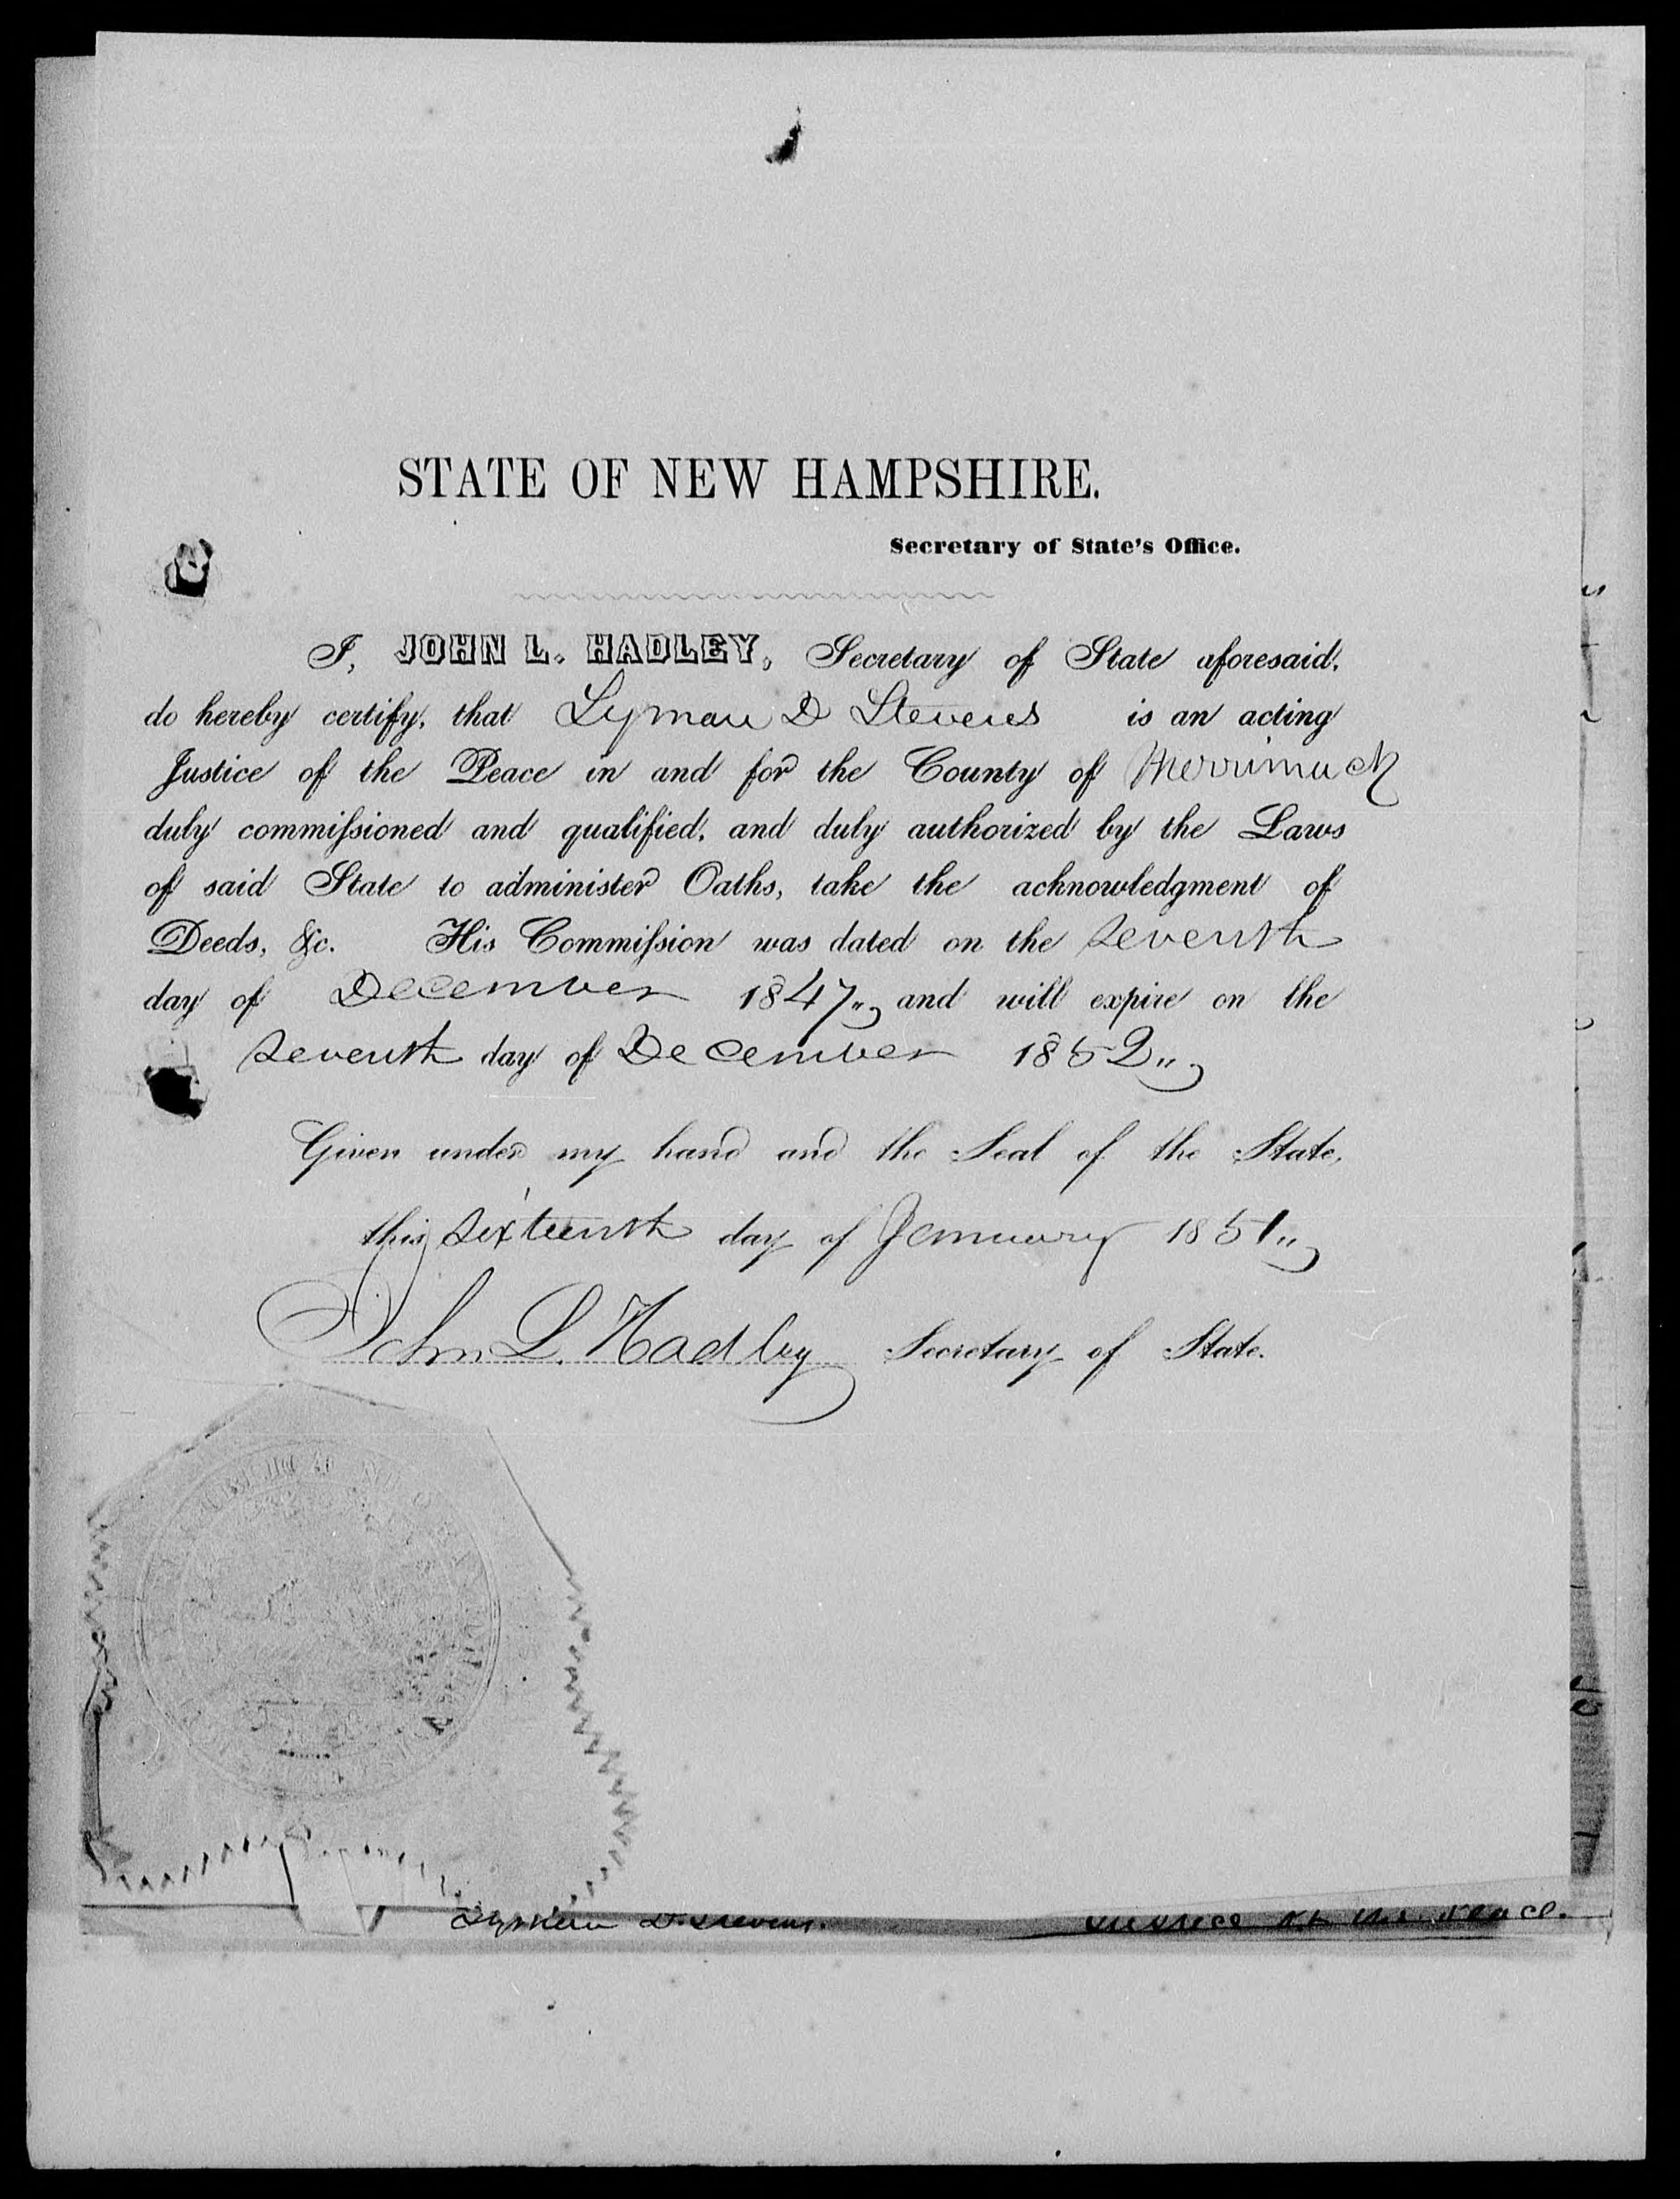STATE OF NEW HAMPSHIRE 
Secretary of State’s Office.

I, JOHN L. HADLEY, Secretary of State aforesaid, do hereby certify that Lyman D Stevens is an acting Justice of the Peace in and for the County of Merrimack duly commissioned and qualified, and duly authorized by the Laws of said State to administer Oaths, take the acknowledgment of Deeds, &c.  His Commission was dated on the seventh day of December 1847 ad, and will expire on the seventh day of December 1858 ad,

Given under my hand and the Seal of the State,
this sixteenth day of January 1851,
John L. Hadley Secretary of State.

Illegible seal affixed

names: John L Hadley, John L Hadley, Lyman D Stevens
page: 43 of 57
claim: widow's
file: W. 23217, Thomas Haines, N H